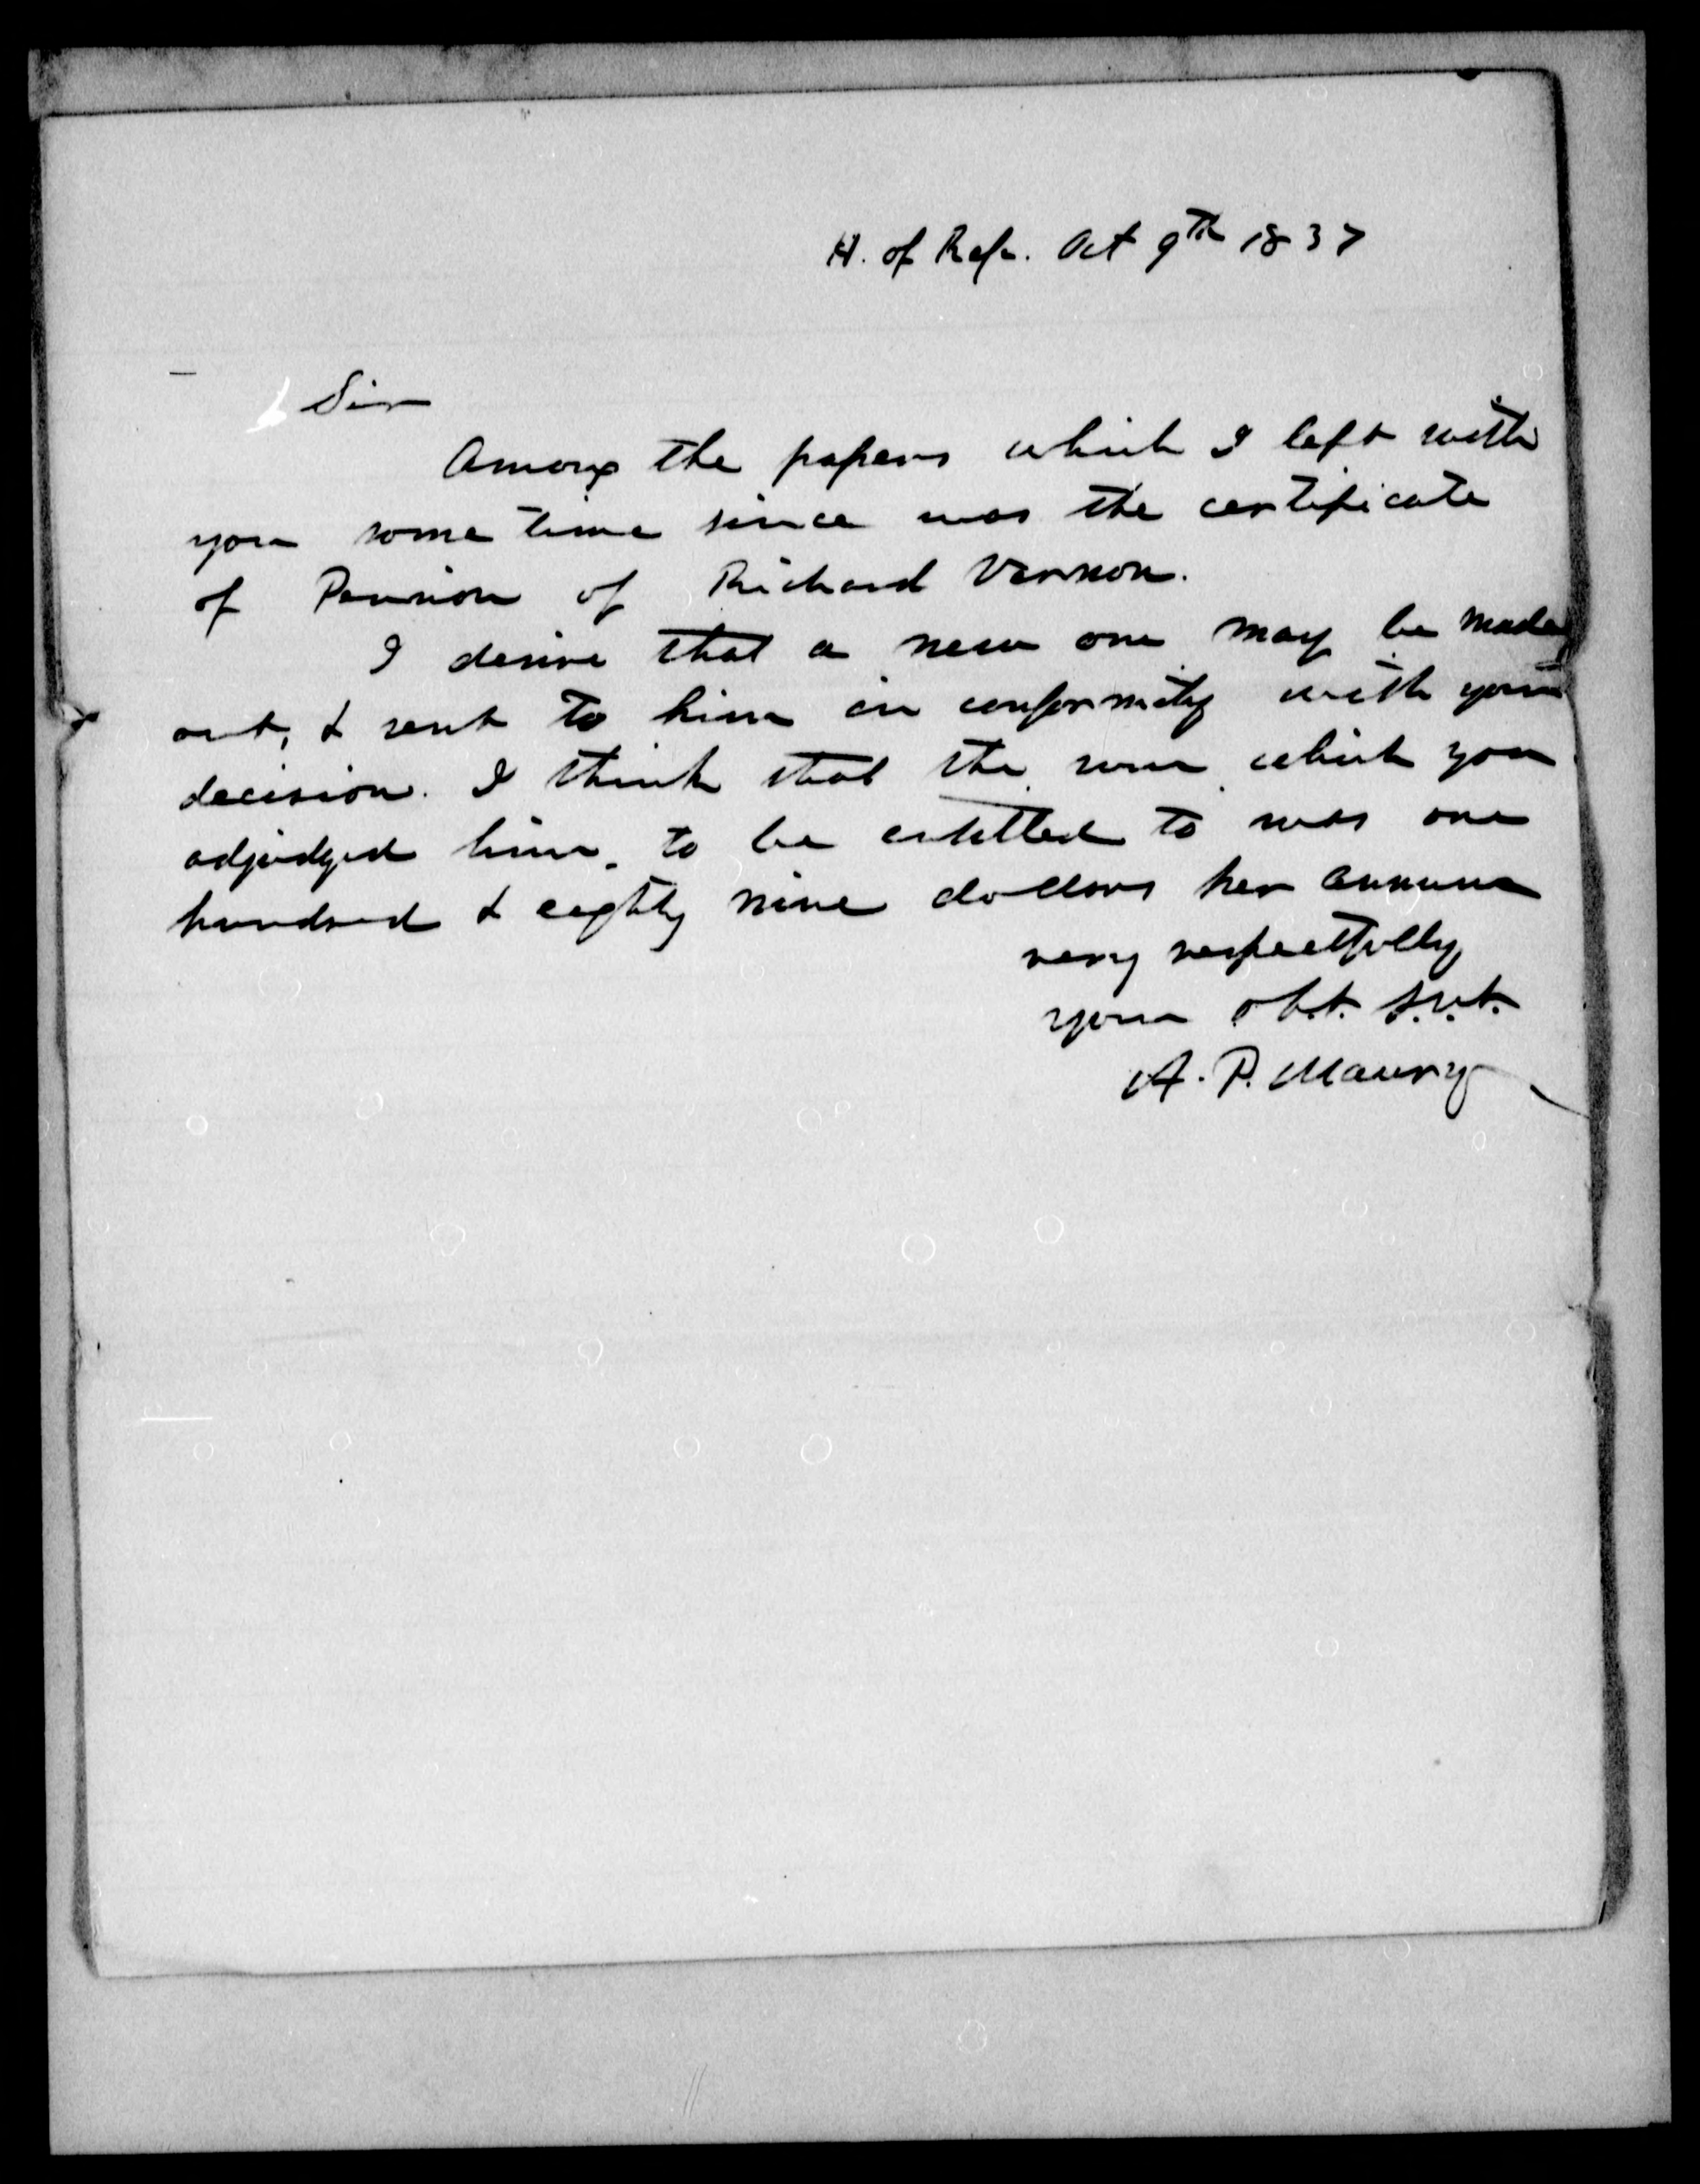H. of Rep. Oct 9th 1837

Sir
Among the papers which I left with you some  time since was the certificate of pension of Richard Vernon.
I desire that a new one may be made out & sent to him in conformity with your decision. I think that the sum which you adjudged him to be entitled to was one hundred & eighty nine dollars per annum
very respectfully 
your obt. svt.
A. P. Maury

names: Richard Vernon, A P Maury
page: 72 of 105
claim: survivor's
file: S. 1883, Richard Vernon, N.C.